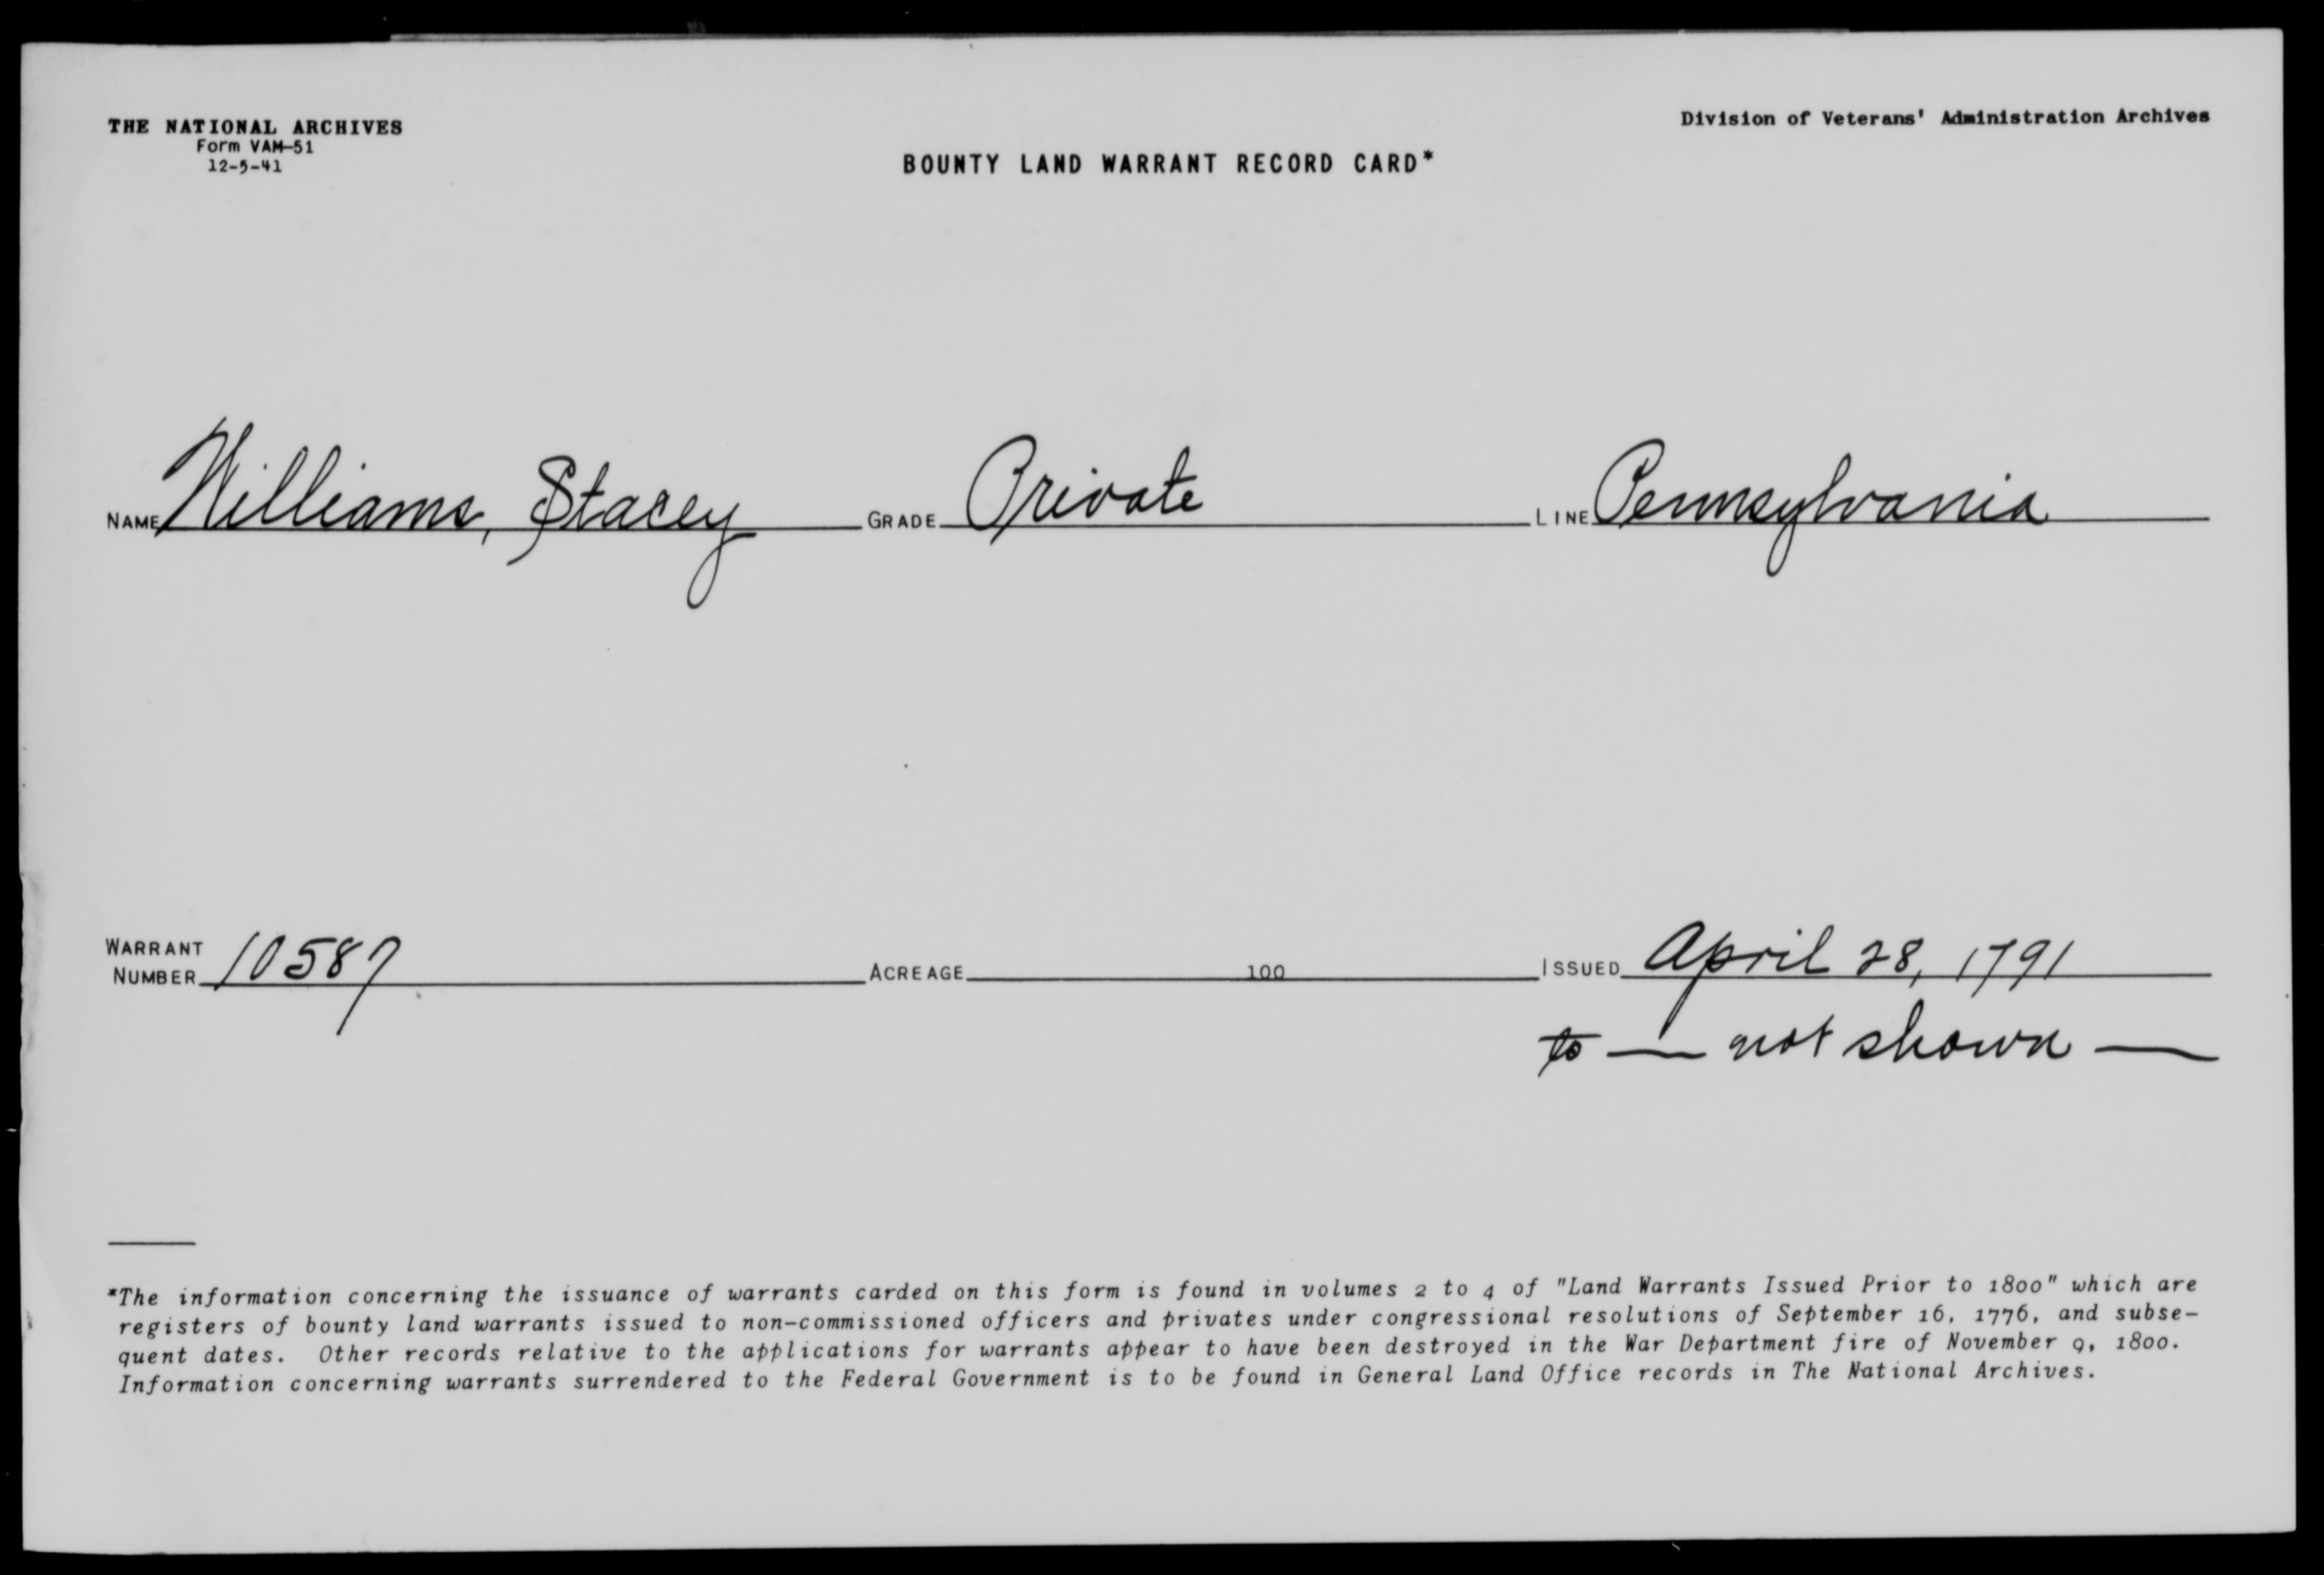THE NATIONAL ARCHIVES
Division of Veterans’ Administration Archives
Form VAM-51 
12-5-41
BOUNTY LAND WARRANT RECORD CARD* 
Name_Williams, Stacey_ 
Grade_ Private_
Line_Pennsylvania_
Warrant Number_ 10587_
ACREAGE_100_
ISSUED_April 28, 1791_(written under line “to-not shown-“)

*The information concerning the issuance of warrants carded on this form is found in volumes 2 to 4 of ""Land Warrants Issued Prior to 1800"" which are registers of bounty land warrants issued to non-commissioned officers and privates under congressional resolutions of September 16, 1776, and subsequent dates. Other records relative to the applications for warrants appear to have been destroyed in the War Department fire of November 9, 1800. Information concerning warrants surrendered to the Federal Government is to be found in General Land Office records in The National Archives.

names: Stacey Williams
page: 23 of 23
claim: survivor's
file: S. 21576, Squire Williams, R. I.